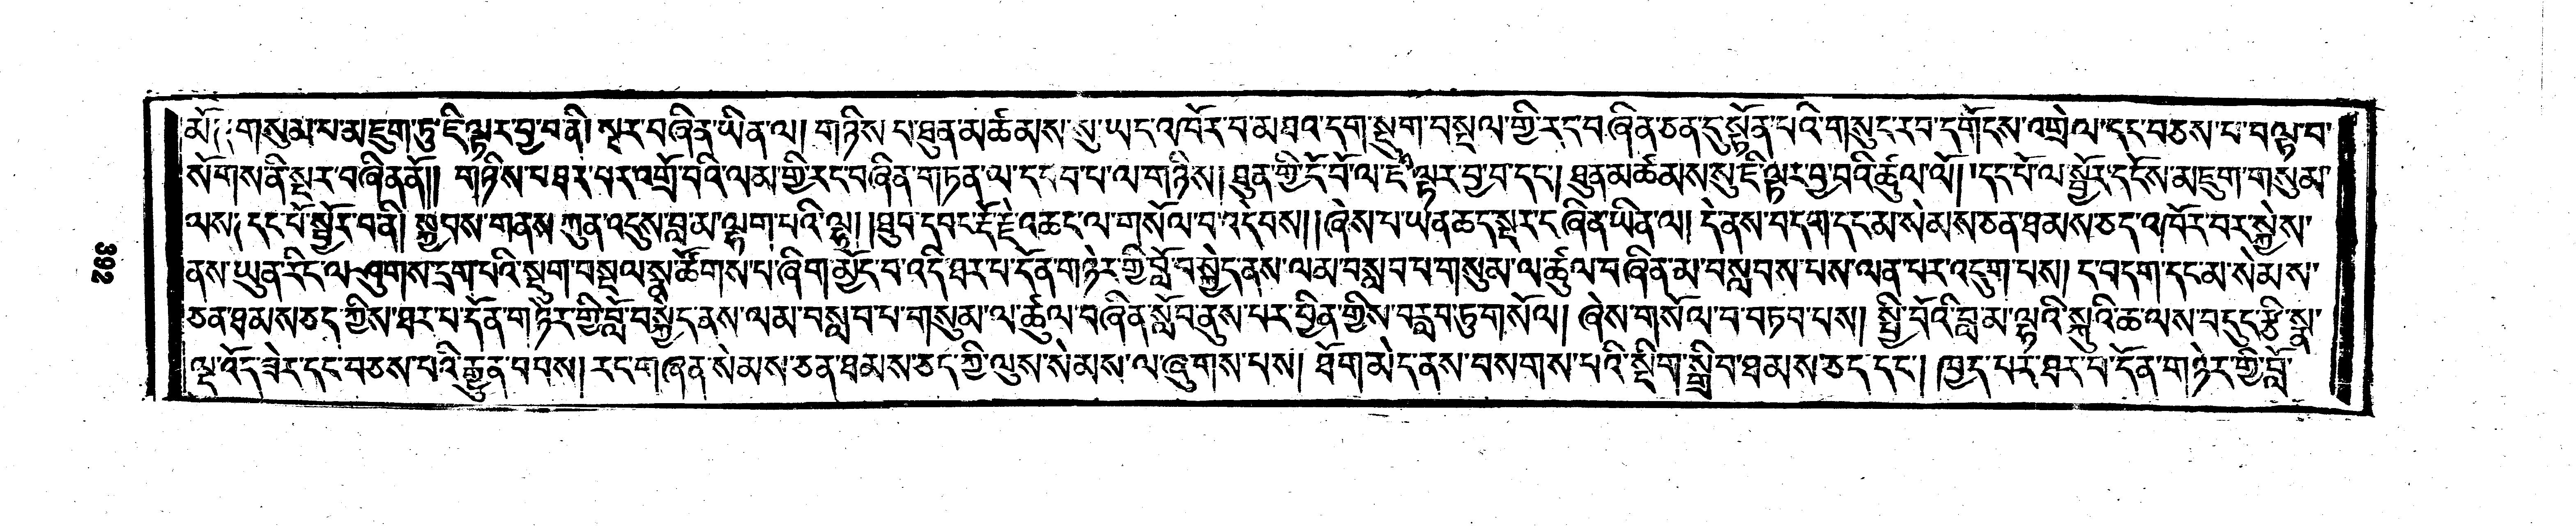མོ། །གསུམ་པ་མཇུག་ཏུ་ཇི་ལྟར་བྱ་བ་ནི། སྔར་བཞིན་ཡིན་ལ། གཉིས་པ་ཐུན་མཚམས་སུ་ཡང་འཁོར་བ་མཐའ་དག་སྡུག་བསྔལ་གྱི་རང་བཞིན་ཅན་དུ་སྟོན་པའི་གསུང་རབ་དགོངས་འགྲེལ་དང་བཅས་པ་བལྟ་བ་
སོགས་ནི་སྔར་བཞིན་ནོ། །གཉིས་པ་ཐར་པར་འགྲོ་བའི་ལམ་གྱི་རང་བཞིན་གཏན་ལ་དབབ་པ་ལ་གཉིས། ཐུན་གྱི་ངོ་བོ་ལ་ཇི་ལྟར་བྱ་བ་དང་། ཐུན་མཚམས་སུ་ཇི་ལྟར་བྱ་བའི་ཚུལ་ལོ། དང་པོ་ལ་སྦྱོར་དངོས་མཇུག་གསུམ་
ལས། དང་པོ་སྦྱོར་བ་ནི། སྐྱབས་གནས་ཀུན་འདུས་བླ་མ་ལྷག་པའི་ལྷ། །ཐུབ་དབང་རྡོ་རྗེ་འཆང་ལ་གསོལ་བ་འདེབས། །ཞེས་པ་ཡན་ཆད་སྔར་བཞིན་ཡིན་ལ། དེ་ནས་བདག་དང་མ་སེམས་ཅན་ཐམས་ཅད་འཁོར་བར་སྐྱེས་
ནས་ཡུན་རིང་ལ་ཤུགས་དྲག་པའི་སྡུག་བསྔལ་སྣ་ཚོགས་པ་ཞིག་མྱོང་བ་འདི་ཐར་པ་དོན་གཉེར་གྱི་བློ་བསྐྱེད་ནས་ལམ་བསླབ་པ་གསུམ་ལ་ཚུལ་བཞིན་མ་བསླབས་པས་ལན་པར་འདུག་པས། ད་བདག་དང་མ་སེམས་
ཅན་ཐམས་ཅད་ཀྱིས་ཐར་པ་དོན་གཉེར་གྱི་བློ་བསྐྱེད་ནས་ལམ་བསླབ་པ་གསུམ་ལ་ཚུལ་བཞིན་སློབ་ནུས་པར་བྱིན་གྱིས་བརླབ་ཏུ་གསོལ། ཞེས་གསོལ་བ་བཏབ་པས། སྤྱི་བོའི་བླ་མ་ལྷའི་སྐུའི་ཆ་ལས་བདུད་རྩི་སྣ་
ལྔ་འོད་ཟེར་དང་བཅས་པའི་རྒྱུན་བབས། རང་གཞན་སེམས་ཅན་ཐམས་ཅད་ཀྱི་ལུས་སེམས་ལ་ཞུགས་པས། ཐོག་མེད་ནས་བསགས་པའི་སྡིག་སྒྲིབ་ཐམས་ཅད་དང་། ཁྱད་པར་ཐར་པ་དོན་གཉེར་གྱི་བློ་